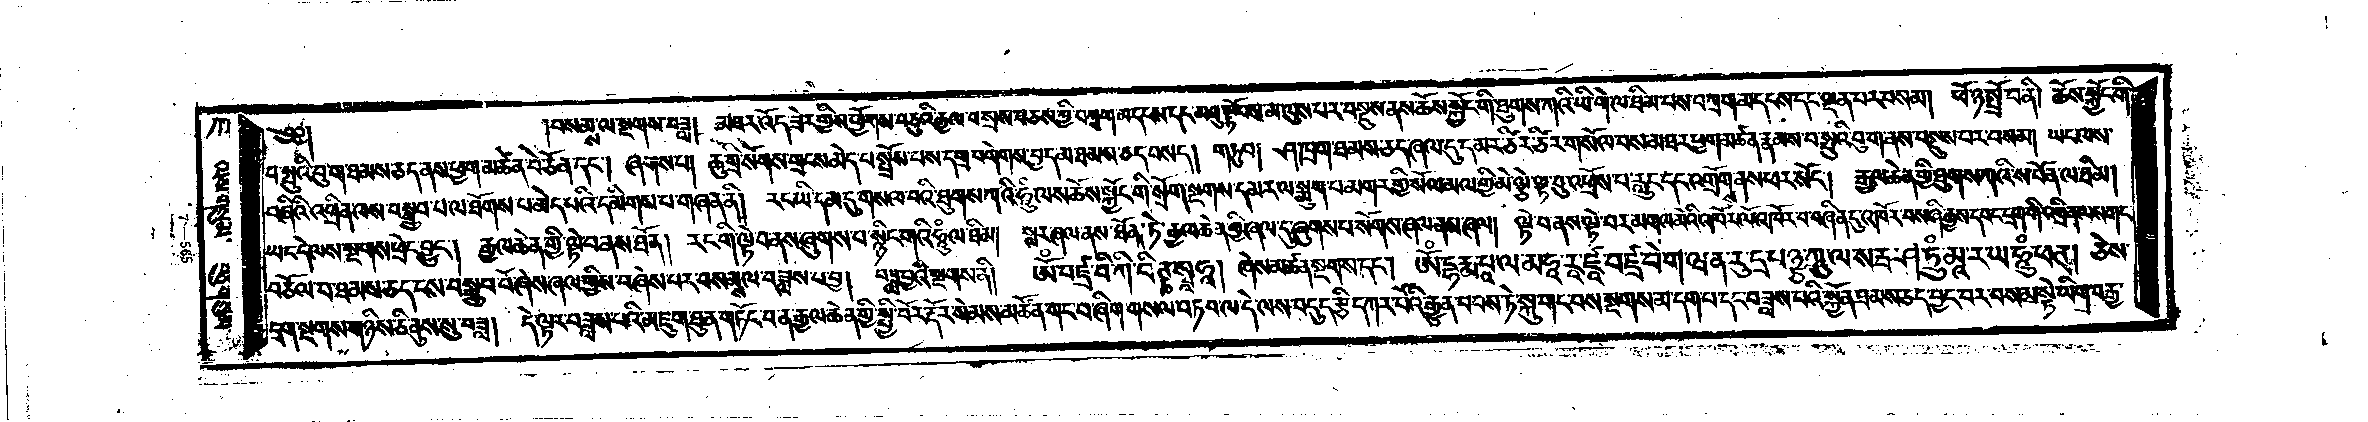༄༅། །བསམས་ལ་སྔགས་བཟླ། མཐར་འོད་ཟེར་གྱིས་ཕྱོགས་བཅུའི་རྒྱལ་བ་སྲས་བཅས་ཀྱི་བཀྲག་མདངས་དང་མཐུ་སྟོབས་མ་ལུས་པར་བསྡུས་ནས་ཆོས་སྐྱོང་གི་ཐུགས་ཀའི་ཡི་གེ་ལ་ཐིམ་པས་བཀྲག་མདངས་དང་ལྡན་པར་བསམ། ཕོ་ཉ་སྤྲོ་བ་ནི། ཆོས་སྐྱོང་གི་
བ་སྤུའི་བུ་ག་ཐམས་ཅད་ནས་ཕྱག་མཚན་པོ་ཅོན་དང་། ཞགས་པ། ཆུ་གྲི་སོགས་གྲངས་མེད་པ་སྤྲོས་པས་དགྲ་བགེགས་བྱད་མ་ཐམས་ཅད་བསད། གཏུ་བ། ཤ་ཁྲག་ཐམས་ཅད་ཞལ་དུ་དམར་ཙིར་ཙིར་གསོལ་བས་མཐར་ཕྱག་མཆེན་རྣམས་བ་སྤུའི་བུ་གནས་བསྡུས་པར་བསམ། ཡང་ལས་
བཞིའི་འཕྲིན་ལས་བསྒྲུབ་བ་ལ་ཐོགས་པ་མེད་པའི་དམིགས་པ་གཞན་ནི། རང་ཡི་དམ་དུ་གསལ་བའི་ཐུགས་ཀའི་ཧཱུཾ་ལས་ཆོས་སྐྱོང་གི་སྲོག་སྔགས་དམར་ལ་སྨུག་པ་མགར་གྱི་སོལ་མལ་གྱི་མེ་ལྕེ་ལྟ་བུ་འཕྲོས་བ་རླུང་དང་འགྲོགས་ནས་ཕར་སོང་། རྒྱལ་ཆེན་གྱི་ཐུགས་ཀའི་ས་བོན་ལ་ཐིམ།
ཡང་དེ་ལས་སྔགས་ཕྲེང་བྱུང་། རྒྱལ་ཆེན་གྱི་ལྟེ་བ་ནས་ཐོན། རང་གི་ལྟེ་བ་ནས་ཞུགས་པ་སྙིང་གའི་ཧཱུཾ་ལ་ཐིམ། སླར་ཞལ་ནས་ཐོན་ཏེ་རྒྱལ་ཆེན་གྱི་ཞལ་དུ་ཞུགས་པ་སོགས་ཞལ་ནས་ཞལ། ལྟེ་བ་ནས་ལྟེ་བར་མགལ་མེའི་འཁོར་ལོ་འཁོར་བ་བཞིན་དུ་འཁོར་བས་ཞི་རྒྱས་དབང་དྲག་གི་འཕྲིན་ལས་གང་
བཅོལ་བ་ཐམས་ཅད་ངས་བསྒྲུབ་པོ་ཞེས་ཞལ་གྱིས་བཞེས་པར་བསམས་ལ་བཟླས་པ་བྱ། བཟླ་བྱའི་སྔགས་ནི། ཨོཾ་བཛྲ་བི་ཀི་བིཊྞ་སྭཱཧཱ། ཞེས་མཚན་སྔགས་དང་། ཨོཾ་དྷརྨ་པཱ་ལ་མཧཱ་རཱ་ཛཱ་བཛྲ་བེ་ག་ཝན་རུ་དྲ་པཉྩ་ཀཱུ་ལ་སརྦ་ཤ་ཏྲུཾ་མཱ་ར་ཡ་ཧཱུཾ་ཕཊ། ཅེས་
དྲག་སྔགས་གཉིས་ཅི་ནུས་སུ་བཟླ། དེ་ལྟར་བཟླས་པའི་མཇུག་ཐུན་གཏོང་བན་རྒྱལ་ཆེན་གྱི་སྤྱི་བོར་རྡོར་སེམས་མཚོན་གང་བ་ཞིག་གསལ་བཏབ་ལ་དེ་ལས་བདུད་རྩི་དཀར་པོའི་རྒྱུན་བབས་ཏེ་སྐུ་གང་བས་སྔགས་མ་དག་པ་དང་བཟླས་པའི་སྐྱོན་ཐམས་ཅད་བྱང་བར་བསམ་སྟེ་ཡིག་བརྒྱ་